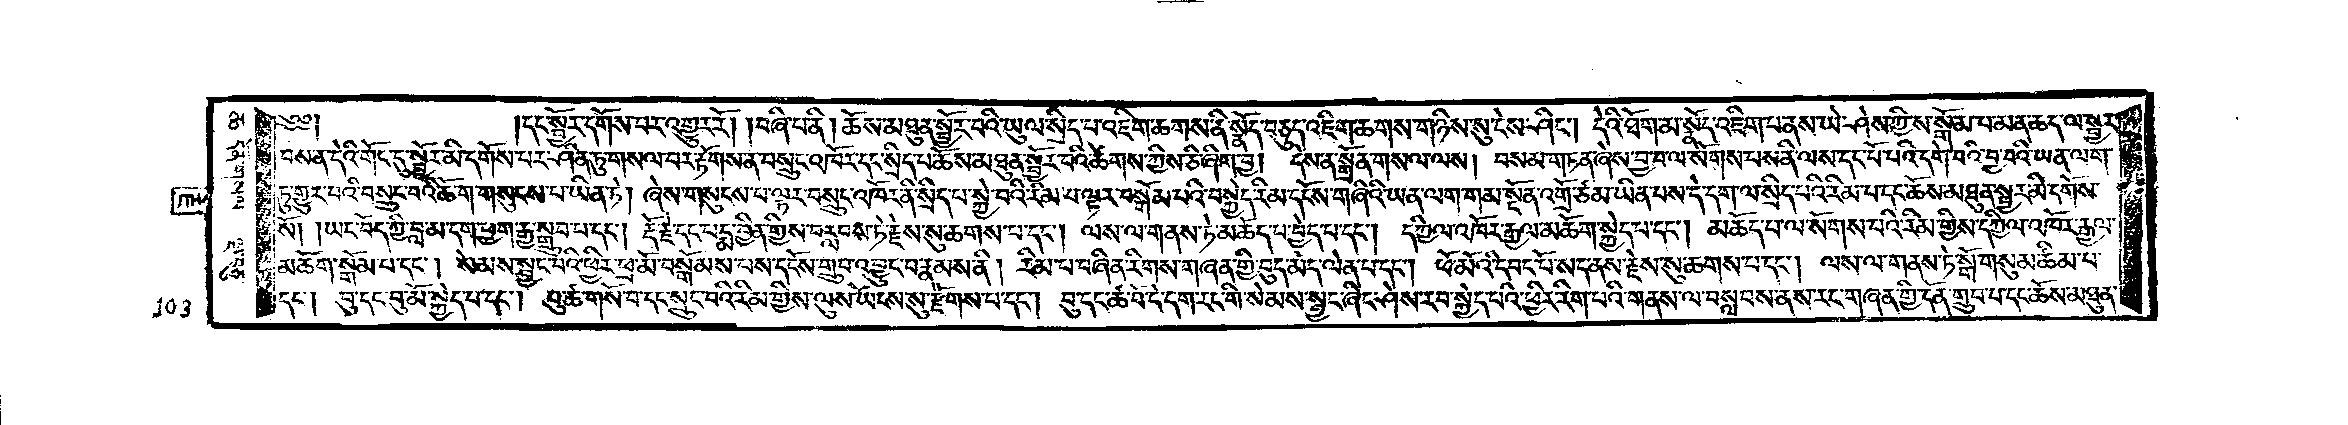༄༅། །དང་སྦྱོར་དགོས་པར་འགྱུར་རོ། །བཞི་པ་ནི། ཆོས་མཐུན་སྦྱོར་བའི་ཡུལ་སྲིད་པ་འཇིག་ཆགས་ནི་སྣོད་བཅུད་འཇིག་ཆགས་གཉིས་སུ་ངེས་ཤིང་། དེའི་ཐོག་མ་སྣོད་འཇིག་པ་ནས་ཡེ་ཤེས་ཀྱི་ས་སྒོམ་པ་མན་ཆད་ལ་སྦྱར་
བས་ན་དེའི་གོང་དུ་སྦྱོར་མི་དགོས་པར་ཤིན་ཏུ་གསལ་བར་རྟོགས་ན་བསྲུང་འཁོར་དང་སྲིད་པ་ཆོས་མཐུན་སྦྱོར་བའི་ཚོགས་ཀྱིས་ཅི་ཞིག་བྱ། དེས་ན་སྒྲོན་གསལ་ལས། བསམ་གཏན་ཞེས་བྱ་བ་ལ་སོགས་པས་ནི་ལས་དང་པོ་པའི་དགེ་བའི་བྱ་བའི་ཡན་ལག་
ཏུ་གྱུར་པའི་བསྲུང་བའི་ཆོ་ག་གསུངས་པ་ཡིན་ཏེ། ཞེས་གསུངས་པ་ལྟར་བསྲུང་འཁོར་ནི་སྲིད་པ་སྐྱེ་བའི་རིམ་པ་ལྟར་བསྒོམ་པའི་བསྐྱེད་རིམ་དངོས་གཞིའི་ཡན་ལག་གམ་སྔོན་འགྲོ་ཙམ་ཡིན་པས་དེ་དག་ལ་སྲིད་པའི་རིམ་པ་དང་ཆོས་མཐུན་སྦྱར་མི་དགོས་
སོ། །ཡང་བོད་ཀྱི་བླ་མ་དག་ཕྱག་རྒྱ་སྒྲུབ་པ་དང་། རྡོ་རྗེ་དང་པདམ་བྱིན་གྱིས་བརླབས་ཏེ་རྗེས་སུ་ཆགས་པ་དང་། ལས་ལ་གནས་ཏེ་མཆོད་པ་བྱེད་པ་དང་། དཀྱིལ་འཁོར་རྒྱལ་མཆོག་སྐྱེད་པ་དང་། མཆོད་པ་ལ་སོགས་པའི་རིམ་གྱིས་དཀྱིལ་འཁོར་རྒྱལ་
མཆོག་སྒོམ་པ་དང་། སེམས་སྦྱང་བའི་ཕྱིར་ཕྲ་མོ་བསྒོམས་པས་དངོས་གྲུབ་འབྱུང་བ་རྣམས་ནི། རིམ་པ་བཞིན་རིགས་གཞན་གྱི་བུད་མེད་ལེན་པ་དང་། ཕོ་མོའི་དབང་པོ་སད་ནས་རྗེས་སུ་ཆགས་པ་དང་། ལས་ལ་གནས་ཏེ་སྒོ་གསུམ་ཚིམ་པ་
དང་། བུ་དང་བུ་མོ་སྐྱེད་པ་དང་། བུ་ཚ་གསོ་བ་དང་སྲུང་བའི་རིམ་གྱིས་ལུས་ཡོངས་སུ་རྫོགས་པ་དང་། བུ་དང་ཚ་བོ་དེ་དག་རང་གི་སེམས་སྦྱང་ཞིང་ཤེས་རབ་སྐྱེད་པའི་ཕྱིར་རིག་པའི་གནས་ལ་བསླབས་ནས་རང་གཞན་གྱི་དོན་གྲུབ་པ་དང་ཆོས་མཐུན་